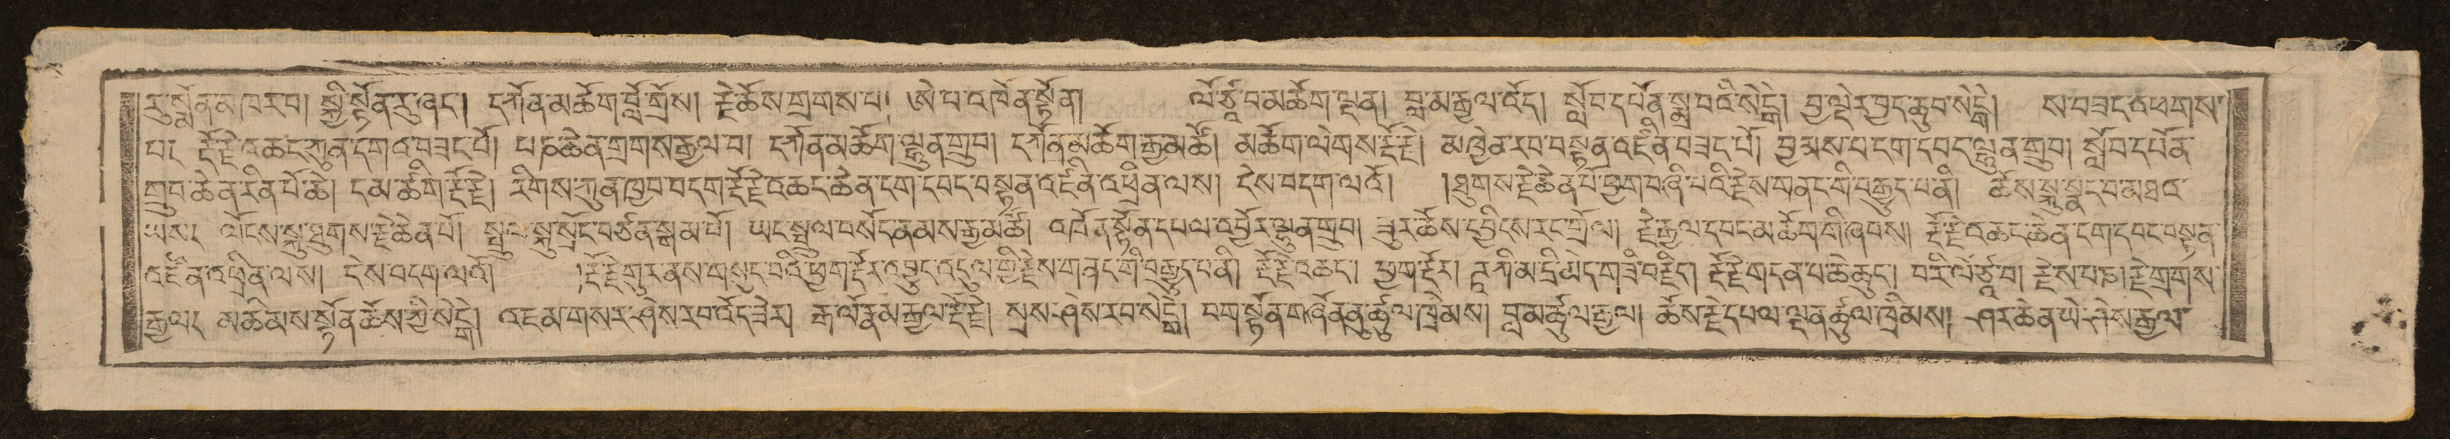རུ་སྨོན་མཁར་བ། སྐྱི་སྟོན་རུ་ཞད། དཀོན་མཆོག་བློ་གྲོས། རྗེ་ཆོས་གྲགས་པ། ཨེ་པ་འཁོན་སྟོན། ལོ་ཙཱ་བ་མཆོག་ལྡན། བླ་མ་རྒྱལ་འོད། སློབ་དཔོན་སྨྲ་བའི་སེངྒེ། བྱ་ལྡེར་བྱང་ཆུབ་སེངྒེ། ས་བྠང་འཕགས་
པ༑ རྡོ་རྗེ་འཆང་ཀུན་དགའ་བཟང་པོ། པཎ་ཆེན་གྲགས་རྒྱལ་བ། དཀོན་མཆོག་ལྷུན་གྲུབ། དཀོན་མཆོག་རྒྱ་མཚོ། མཆོག་ལེགས་རྡོ་རྗེ། མཁྱེན་རབ་བསྟན་འཛིན་བཟང་པོ། བྱམས་པ་ངག་དབང་ལྷུན་གྲུབ། སློབ་དཔོན་
གྲུབ་ཆེན་རིན་པོ་ཆེ། དམ་ཚིག་རྡོ་རྗེ། རིགས་ཀུན་ཁྱབ་བདག་རྡོ་རྗེ་འཆང་ཆེན་ངག་དབང་བསྟན་འཛིན་འཕྲིན་ལས། དེས་བདག་ལའོ། །ཐུགས་རྗེ་ཆེན་པོ་ཕྱག་བཞི་པའི་རྗེས་གནང་གི་བརྒྱུད་པ་ནི། ཆོས་སྐུ་སྣང་བ་མཐའ་
ཡས༑ ལོངས་སྐུ་ཐུགས་རྗེ་ཆེན་པོ། སྤྲུལ་སྐུ་སྲོང་བཙན་སྒྲམ་པོ། ཡང་སྤྲུལ་བསོད་ནམས་རྒྱ་མཚོ། འཁོན་སྟོན་དཔལ་འབྱོར་ལྷུན་གྲུབ། ཟུར་ཆོས་དབྱིངས་རང་གྲོལ། རྗེ་རྒྱལ་དབང་མཆོག་གི་ཞབས། རྡོ་རྗེ་འཆང་ཆེན་ངག་དབང་བསྟན་
འཛིན་འཕྲིན་ལས། དེས་བདག་ལའོ། །རྡོ་རྗེ་གུར་ནས་གསུང་པའི་ཕྱག་རྡོར་འབྱུང་འདུལ་གྱི་རྗེས་གནང་གི་བརྒྱུད་པ་ནི། རྡོ་རྗེ་འཆང་། ཕྱག་རྡོར། ཌཱ་ཀི་མ་དྲི་མེད་གཟི་བརྗིད། རྡོ་རྗེ་གདན་པ་ཆེ་ཆུང་། བ་རི་ལོ་ཙཱ་བ། རྗེས་པཎ། རྗེ་གྲགས་
རྒྱལ༑ མཆིམས་སྟོན་ཆོས་ཀྱི་སེངྒེ། འཇམ་གསར་ཤེས་རབ་འོད་ཟེར། རྒ་ལོ་རྣམ་རྒྱལ་རྡོ་རྗེ། སྲས་ཤེས་རབ་སེངྒེ། བག་སྟོན་གཞོན་ནུ་ཚུལ་ཁྲིམས། བླ་མ་ཚུལ་རྒྱལ། ཆོས་རྗེ་དཔལ་ལྡན་ཚུལ་ཁྲིམས། ཤར་ཆེན་ཡེ་ཤེས་རྒྱལ་